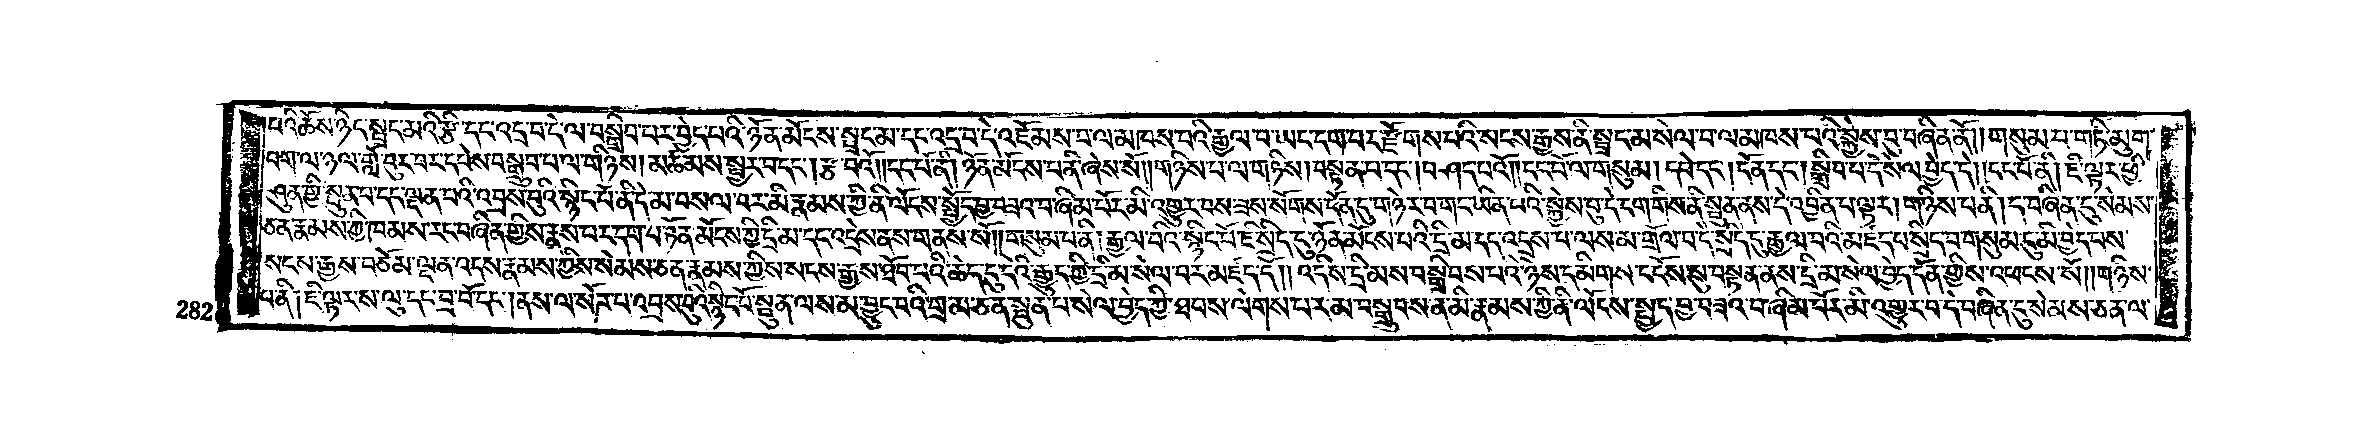བའི་ཆོས་ཉིད་སྦྲང་མའི་རྩི་དང་འདྲ་བ་དེ་ལ་བསྒྲིབ་པར་བྱེད་པའི་ཉོན་མོངས་སྦྲང་མ་དང་འདྲ་བ་དེ་འཇོམས་པ་ལ་མཁས་པའི་རྒྱལ་བ་ཡང་དག་པར་རྫོགས་པའི་སངས་རྒྱས་ནི་སྦྲང་མ་སེལ་བ་ལ་མཁས་པའི་སྐྱེས་བུ་བཞིན་ནོ། །གསུམ་པ་གཏི་མུག་
བག་ལ་ཉལ་གློ་བུར་བར་དཔེས་བསྒྲུབ་པ་ལ་གཉིས། མཚམས་སྦྱར་བ་དང་། རྩ་བའོ། །དང་པོ་ནི། ཉོན་མོངས་པ་ནི་ཞེས་སོ། །གཉིས་པ་ལ་གཉིས། བསྟན་པ་དང་། བཤད་པའོ། །དང་པོ་ལ་གསུམ། དཔེ་དང་། དོན་དང་། སྒྲིབ་པ་དེ་སེལ་བྱེད་དེ། །དང་པོ་ནི། ཇི་ལྟར་ཕྱི་
ཤུན་གྱི་སྤུན་པ་དང་ལྡན་པའི་འབྲས་བུའི་སྙིང་པོ་ནི་དེ་མ་བསལ་བར་མི་རྣམས་ཀྱི་ནི་ལོངས་སྤྱོད་བྱ་བཟའ་བ་ཞིམ་པོར་མི་འགྱུར་བས་ཟས་སོགས་དོན་དུ་གཉེར་བ་གང་ཡིན་པའི་སྐྱེས་བུ་དེ་དག་གིས་ནི་སྦུན་ནས་དེ་འབྱིན་པ་ལྟར། གཉིས་པ་ནི། དེ་བཞིན་དུ་སེམས་
ཅན་རྣམས་ཀྱི་ཁམས་རང་བཞིན་གྱིས་རྣམ་པར་དག་པ་ཉོན་མོངས་ཀྱི་དྲི་མ་དང་འདྲེས་ནས་གནས་སོ། །གསུམ་པ་ནི། རྒྱལ་བའི་སྙིང་པོ་ཇི་སྲིད་དུ་ཉོན་མོངས་པའི་དྲི་མ་དང་འདྲས་པ་ལས་མ་གྲོལ་བ་དེ་སྲིད་དུ་རྒྱལ་བའི་མཛད་པ་སྲིད་པ་གསུམ་དུ་མི་བྱེད་པས་
སངས་རྒྱས་བཅོམ་ལྡན་འདས་རྣམས་ཀྱིས་སེམས་ཅན་རྣམས་ཀྱིས་སངས་རྒྱས་ཐོབ་པའི་ཆེད་དུ་དེའི་རྒྱུད་ཀྱི་དྲི་མ་སེལ་བར་མཛད་དོ། །འདིས་དྲི་མས་བསྒྲིབས་པའི་ཉེས་དམིགས་དངོས་སུ་བསྟན་ནས་དྲི་མ་སེལ་བྱེད་དོན་གྱིས་འཕངས་སོ། །གཉིས་
པ་ནི། ཇི་ལྟར་ས་ལུ་དང་བྲ་བོ་དང་། ནས་ལ་སོགས་པ་འབྲས་བུའི་སྙིང་པོ་སྦུན་ལས་མ་བྱུང་བའི་གྲ་མ་ཅན་སྦུན་པ་སེལ་བྱེད་ཀྱི་ཐབས་ལེགས་པར་མ་བསྒྲུབས་ན་མི་རྣམས་ཀྱི་ནི་ལོངས་སྤྱད་བྱ་བཟའ་བ་ཞིམ་པོར་མི་འགྱུར་བ་དེ་བཞིན་དུ་སེམས་ཅན་ལ་